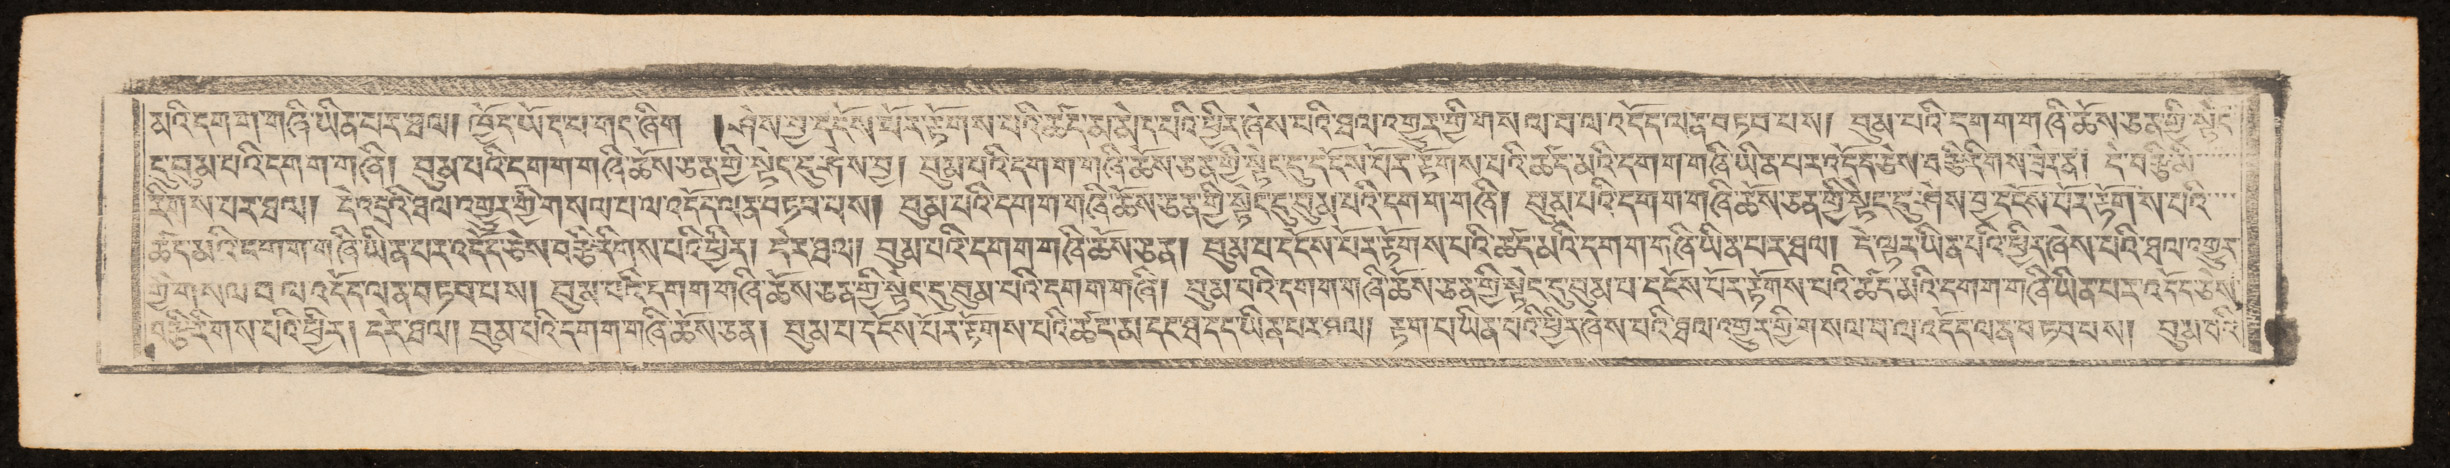མའི་དགག་གཞི་ཡིན་པར་ཐལ། ཁྱོད་ཡོད་པ་གང་ཞིག །ཤེས་བྱ་དངོས་པོར་རྟོགས་པའི་ཚད་མ་མེད་པའི་ཕྱིར་ཞེས་པའི་ཐལ་འགྱུར་གྱི་གསལ་བ་ལ་འདོད་ལན་བཏབ་པས། བུམ་པའི་དགག་གཞི་ཆོས་ཅན་གྱི་སྟེང་
དུ་བུམ་པའི་དགག་གཞི། བུམ་པའི་དགག་གཞི་ཆོས་ཅན་གྱི་སྟེང་དུ་ཤེས་བྱ། བུམ་པའི་དགག་གཞི་ཆོས་ཅན་གྱི་སྟེང་དུ་དངོས་པོར་རྟོགས་པའི་ཚད་མའི་དགག་གཞི་ཡིན་པར་འདོད་ཅེས་བརྩི་རིགས་ཟེར་ན། དེ་བརྩི་མི་
རིགས་པར་ཐལ། དེ་འདྲའི་ཐལ་འགྱུར་གྱི་གསལ་བ་ལ་འདོད་ལན་བཏབ་པས། བུམ་པའི་དགག་གཞི་ཆོས་ཅན་གྱི་སྟེང་དུ་བུམ་པའི་དགག་གཞི། བུམ་པའི་དགག་གཞི་ཆོས་ཅན་གྱི་སྟེང་དུ་ཤེས་བྱ་དངོས་པོར་རྟོགས་པའི་
ཚད་མའི་དགག་གཞི་ཡིན་པར་འདོད་ཅེས་བརྩི་རིགས་པའི་ཕྱིར། དེར་ཐལ། བུམ་པའི་དགག་གཞི་ཆོས་ཅན། བུམ་པ་དངོས་པོར་རྟོགས་པའི་ཚད་མའི་དགག་གཞི་ཡིན་པར་ཐལ། དེ་ལྟར་ཡིན་པའི་ཕྱིར་ཞེས་པའི་ཐལ་འགྱུར་
གྱི་གསལ་བ་ལ་འདོད་ལན་བཏབ་པས། བུམ་པའི་དགག་གཞི་ཆོས་ཅན་གྱི་སྟེང་དུ་བུམ་པའི་དགག་གཞི། བུམ་པའི་དགག་གཞི་ཆོས་ཅན་གྱི་སྟེང་དུ་བུམ་པ་དངོས་པོར་རྟོགས་པའི་ཚད་མའི་དགག་གཞི་ཡིན་པར་འདོད་ཅེས་
བརྩི་རིགས་པའི་ཕྱིར། དེར་ཐལ། བུམ་པའི་དགག་གཞི་ཆོས་ཅན། བུམ་པ་དངོས་པོར་རྟོགས་པའི་ཚད་མ་དང་ཐ་དད་ཡིན་པར་ཐལ། རྟག་པ་ཡིན་པའི་ཕྱིར་ཞེས་པའི་ཐལ་འགྱུར་གྱི་གསལ་བ་ལ་འདོད་ལན་བཏབ་པས། བུམ་པའི་